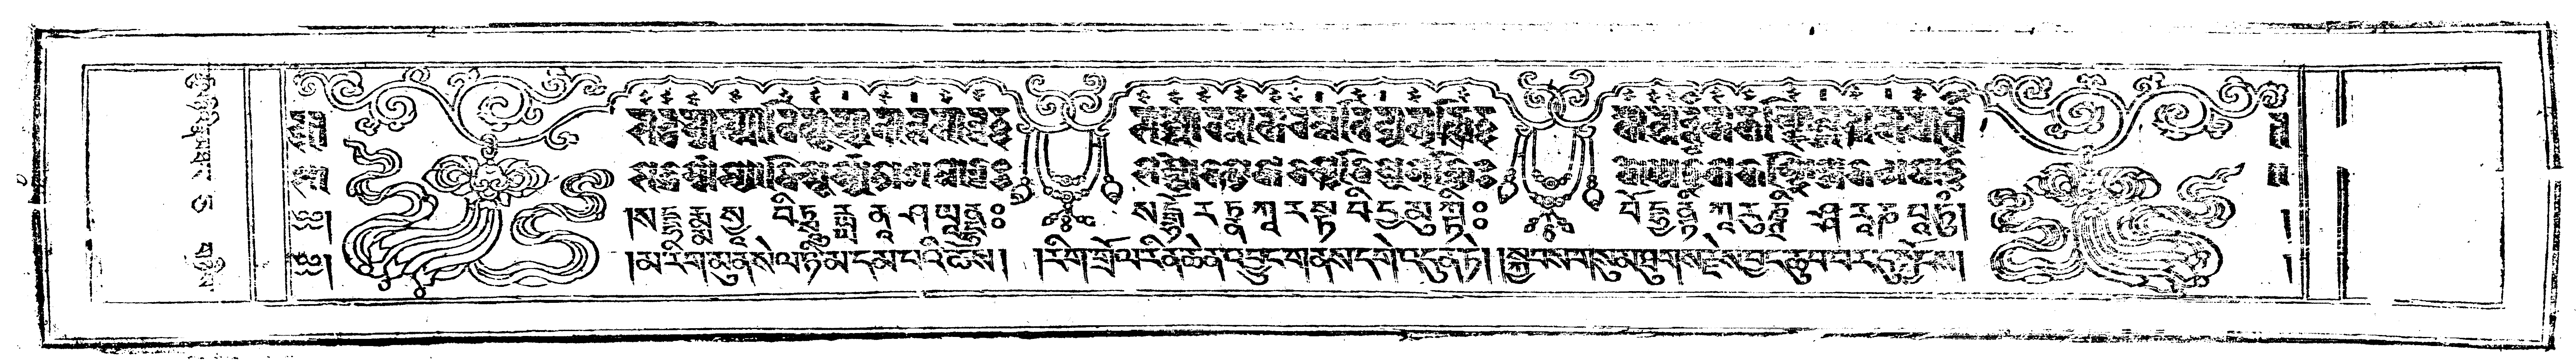༄༅། །སདྷརྨྨསྱཱབིཏྶཱུརྱྱནཱཤཡཱནྡྷསདགྷོརཏྣཀཱར་སྟབིདྱམུཀྟིཿབོདྷྱནྟིཀཱརུཎྚྲིཤྴརཱཎཔཱཏུཾ།།
༄༅། །མ་རིག་མུན་སེལ་ཉི་མ་དམ་པའི་ཆོས། །རིག་གྲོལ་རིན་ཆེན་འབྱུང་གནས་དགེ་འདུན་ཏེ། །སྐྱབས་གསུམ་ཐུགས་རྗེས་བྱང་ཆུབ་བར་དུ་སྐྱོངས། །